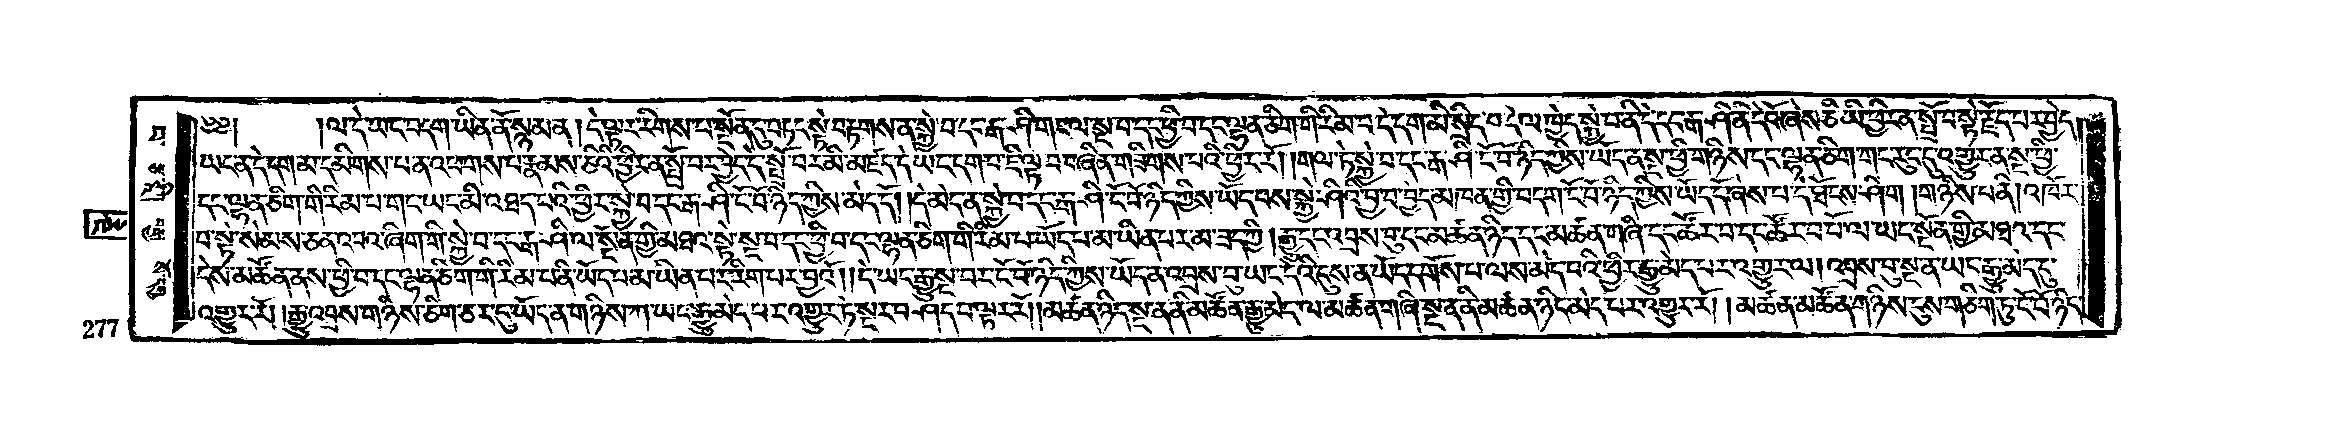༄༅། །ལ་དེ་ཡང་བདག་ཡིན་ནོ་སྙམ་ན། དེ་ལྟར་རིགས་པ་སྔོན་དུ་བཏང་སྟེ་བརྟགས་ན་སྐྱེ་བ་དང་རྒ་ཤི་གང་ལ་སྔ་བ་དང་ཕྱི་བ་དང་ལྷན་ཅིག་གི་རིམ་པ་དེ་དག་མི་སྲིད་པ་དེ་ལ་ཁྱེད་སྐྱེ་བ་ནི་དེ་དང་རྒ་ཤི་ནི་དེའོ་ཞེས་ཅི་ཡི་ཕྱིར་ན་སྤྲོ་བ་སྟེ་རྡོད་པར་བྱེད་
ཡང་ན་དེ་དག་མ་དམིགས་པ་ན་འཕགས་པ་རྣམས་ཅིའི་ཕྱིར་ན་སྤྲོ་བར་བྱེད་དེ་སྤྲོ་བར་མི་མཛད་དེ་ཡང་དག་པ་ཇི་ལྟ་བ་བཞིན་གཟིགས་པའི་ཕྱིར་རོ། །གལ་ཏེ་སྐྱེ་བ་དང་རྒ་ཤི་ངོ་བོ་ཉིད་ཀྱིས་ཡོད་ན་སྔ་ཕྱི་གཉིས་དང་ལྷན་ཅིག་གང་རུང་དུ་འགྱུར་ན་སྔ་ཕྱི་
དང་ལྷན་ཅིག་གི་རིམ་པ་གང་ཡང་མི་འཐད་པའི་ཕྱིར་སྐྱེ་བ་དང་རྒ་ཤི་ངོ་བོ་ཉིད་ཀྱིས་མེད་དོ། །དེ་མེད་ན་སྐྱེ་བ་དང་རྒ་ཤི་ངོ་བོ་ཉིད་ཀྱིས་ཡོད་པས་སྐྱེ་ཤིའི་བྱ་བ་བྱེད་མཁན་གྱི་བདག་ངོ་བོ་ཉིད་ཀྱིས་ཡོད་དོ་ཞེས་པ་དེ་ཐོངས་ཤིག །གཉིས་པ་ནི། འཁོར་
བ་སྟེ་སེམས་ཅན་འབའ་ཞིག་གི་སྐྱེ་བ་དང་རྒ་ཤི་ལ་སྔོན་གྱི་མཐའ་སྟེ་སྔ་བ་དང་ཕྱི་བ་དང་ལྷན་ཅིག་གི་རིམ་པ་ཡོད་པ་མ་ཡིན་པར་མ་ཟད་ཀྱི་།རྒྱུད་དང་འབྲས་བུ་དང་མཚན་ཉིད་དང་མཚན་གཞི་དང་ཚོར་བ་དང་ཚོར་བ་པོ་ལ་ཡང་སྔོན་གྱི་མཐའ་དང་
དེས་མཚོན་ནས་ཕྱི་བ་དང་ལྷན་ཅིག་གི་རིམ་པ་ནི་ཡོད་པ་མ་ཡིན་པར་རིག་པར་བྱའོ། །དེ་ཡང་རྒྱུ་སྔ་བར་ངོ་བོ་ཉིད་ཀྱིས་ཡོད་ན་འབྲས་བུ་ཡང་དེའི་དུས་ན་ཡོད་དགོས་པ་ལས་མེད་པའི་ཕྱིར་རྒྱུ་མེད་པར་འགྱུར་ལ། འབྲས་བུ་སྔ་ན་ཡང་རྒྱུ་མེད་དུ་
འགྱུར་རོ། །རྒྱུ་འབྲས་གཉིས་ཅིག་ཅར་དུ་ཡོད་ན་གཉིས་ཀ་ཡང་རྒྱུ་མེད་པར་འགྱུར་ཏེ་སྦར་བཤད་པ་ལྟར་རོ། །མཚན་ཉིད་སྔ་ན་ནི་མཚོན་རྒྱུ་མེད་ལ་མཚན་གཞི་སྔ་ན་ནི་མཚན་ཉིད་མེད་པར་འགྱུར་རོ། །མཚན་མཚོན་གཉིས་དུས་གཅིག་ཏུ་ངོ་བོ་ཉིད་